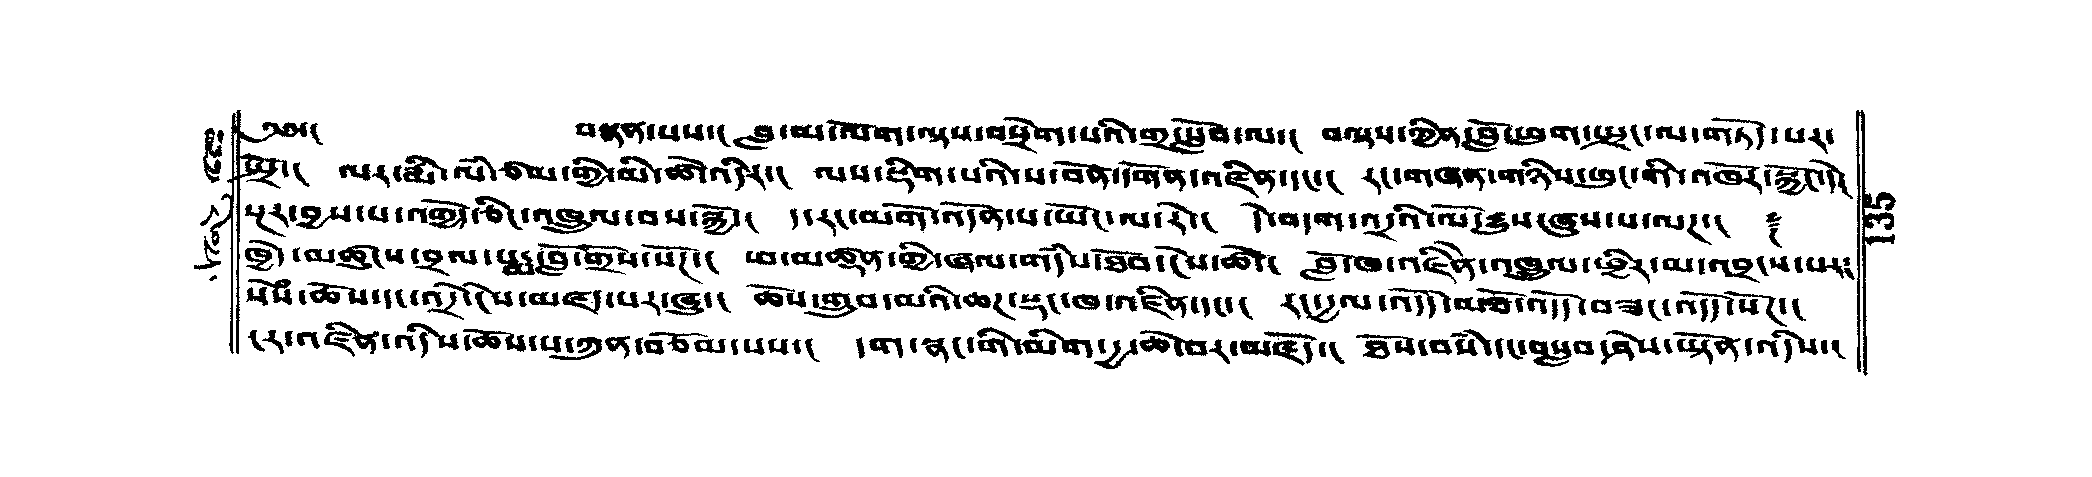བསྣན་པས། །བླ་མ་ལོག་ལྟས་བསྲེག་པའི་གྲྭ་སློབ་ལ། །བལྟས་ཀྱིན་བློ་ཕུག་སྤྲང་ལ་གཏོད་པར་
སྤྲོ། །ལར་རྨི་ལམ་ཙམ་གྱི་མི་ཚེ་འདིར། །ལས་སྡིག་པའི་ས་བོན་དགོན་འཛིན་དང་། །རང་གཞན་གཉིས་ཕུང་གི་འཁོར་སྐྱོང་དེ། །
སྔར་བྱས་པ་འགྱོད་ཅིང་འཁྲུལ་བས་སྐྱོ། །ད་རང་་མགོ་འདོན་པ་ཡོང་ལ་རེ། །དེ་བདག་འདྲའི་ལོ་རྒྱུས་ཞུས་པ་ལགས། །
ཁྱེད་མཚུངས་བྲལ་པདྨ་བློ་གྲོས་སོགས། །ཕ་མཚན་ལྡན་གྱི་ཞལ་གདམས་ཐོབ་ངེས་ཚེ། །བློ་འཇིག་རྟེན་འཁྲུལ་ཕྱིར་མ་འབྲངས་པར། །
སེམས་ཆོས་དང་འདྲེས་ངེས་མཛད་པར་ཞུ། །ཆོས་གྲུབ་མཐའི་ཆགས་སྡང་ཁ་འཛིན་དང་། །རང་རྒྱལ་འདོད་མཐོ་འདོད་བཟང་འདོད་སོགས། །
ངར་འཛིན་འདིས་ཆོས་པ་ཀུན་བཅོམ་པས། །དག་སྣང་གི་མིག་རྒྱ་ཆེ་བར་མཛོད།ཐོས་བསམ་དང་བསླབ་ཤེས་ཡོན་ཏན་འདིས།